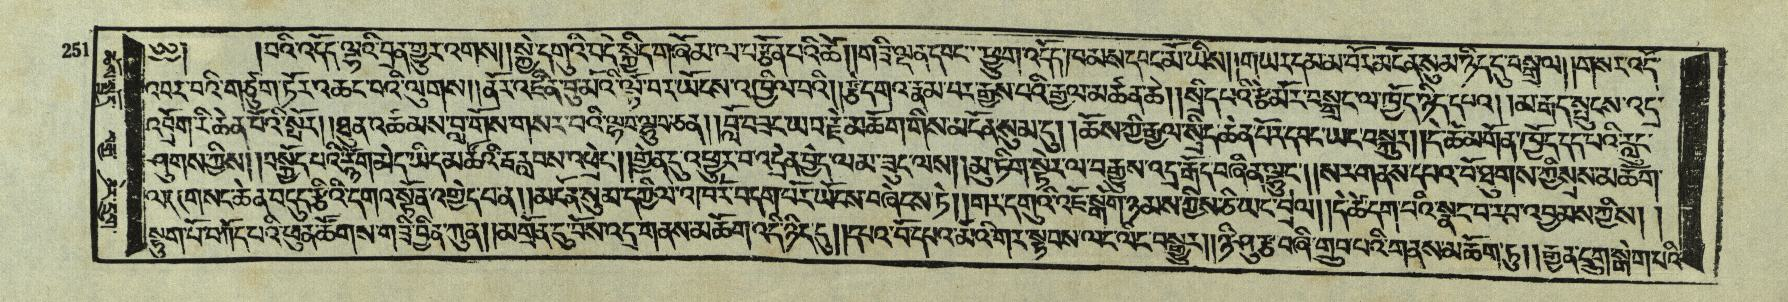༄༅། །བའི་འདོད་ལྷའི་བྲན་གྱུར་འགས། །སྐྱེ་དགུའི་བདེ་སྐྱིད་གཞོམ་ལ་བརྩོན་པའི་ཚེ། །གཟི་ལྡན་དབང་ཕྱུག་འདོད་ཁམས་དབང་མོ་ཡིས། །གཡར་དམ་མ་བོར་མངོན་སུམ་ཉིད་དུ་བསྒྲལ། །གསར་འོད་
འབར་བའི་གཙུག་ཏོར་འཆང་བའི་ལུགས། །ནོར་འཛིན་བུ་མོའི་ལྟོ་བར་ཡོངས་འཁྱིལ་བའི། །རྩེ་དགའ་རྣམ་པར་རྒྱས་པའི་རྒྱལ་མཚན་ཆེ། །སྲིད་པའི་རྩེ་མོར་བསྒྲང་ལ་ཁྱོད་ཉིད་དཔའ། །མ་རྒད་སྤུངས་འདྲ་
འབྲོག་རི་ཆེན་པོའི་སྤོར། །ཐུན་འཚམས་བླ་གོས་གསར་བའི་ལྷབ་ལྷུབ་ཅན། །བློ་བཟང་ཡབ་རྗེ་མཆོག་གིས་མངོན་སུམ་དུ། །ཆོས་ཀྱི་རྒྱལ་སྲིད་ཆེན་པོར་དབང་ཡང་བསྐུར། །དེ་ཚེ་མགོན་ཁྱོད་དད་པའི་རླུང་
ཤུགས་ཀྱིས། །བསྐྱོད་པའི་རྙོག་མེད་ཡིད་མཚོའི་རྦ་རླབས་འཕྲེང་། །གྱེན་དུ་འཕྱུར་བ་འདྲེན་བྱེད་ལམ་ཟུང་ལས། །མུ་ཏིག་སྟེར་ལ་བརྒྱུས་འདྲ་རྒོད་བཞིན་ལྷུང་། །སར་གནས་དཔའ་བོ་ཐུགས་ཀྱི་སྲས་མཆོག་
ལ༑ ༑གསང་ཆེན་བདུད་རྩིའི་དགའ་སྟོན་འགྱེད་པ་ན། །མངོན་སུམ་དཀྱིལ་འཁོར་བདག་པོར་ཡོངས་བཞེངས་ཏེ། །གར་དགུའི་འཇོ་སྒོག་ཉམས་ཀྱིས་ཅི་ཡང་བྲེལ། །དེ་ཚེ་དག་པའི་སྣང་བ་རབ་འབྱམས་ཀྱིས། །
སྟུག་པོ་བཀོད་པའི་ཕུན་ཚོགས་གཟི་བྱིན་ཀུན། །མགྲོན་དུ་བོས་འདྲ་གནས་མཆོག་འདི་ཉིད་དུ། །དཔའ་བོ་དཔའ་མོའི་གར་སྟབས་ལང་ལིང་བསྒྱུར། །ཉི་ཤུ་རྩ་བཞི་གྲུབ་པའི་གནས་མཆོག་ཏུ། །རྒྱན་དྲུག་སྒེག་པའི་